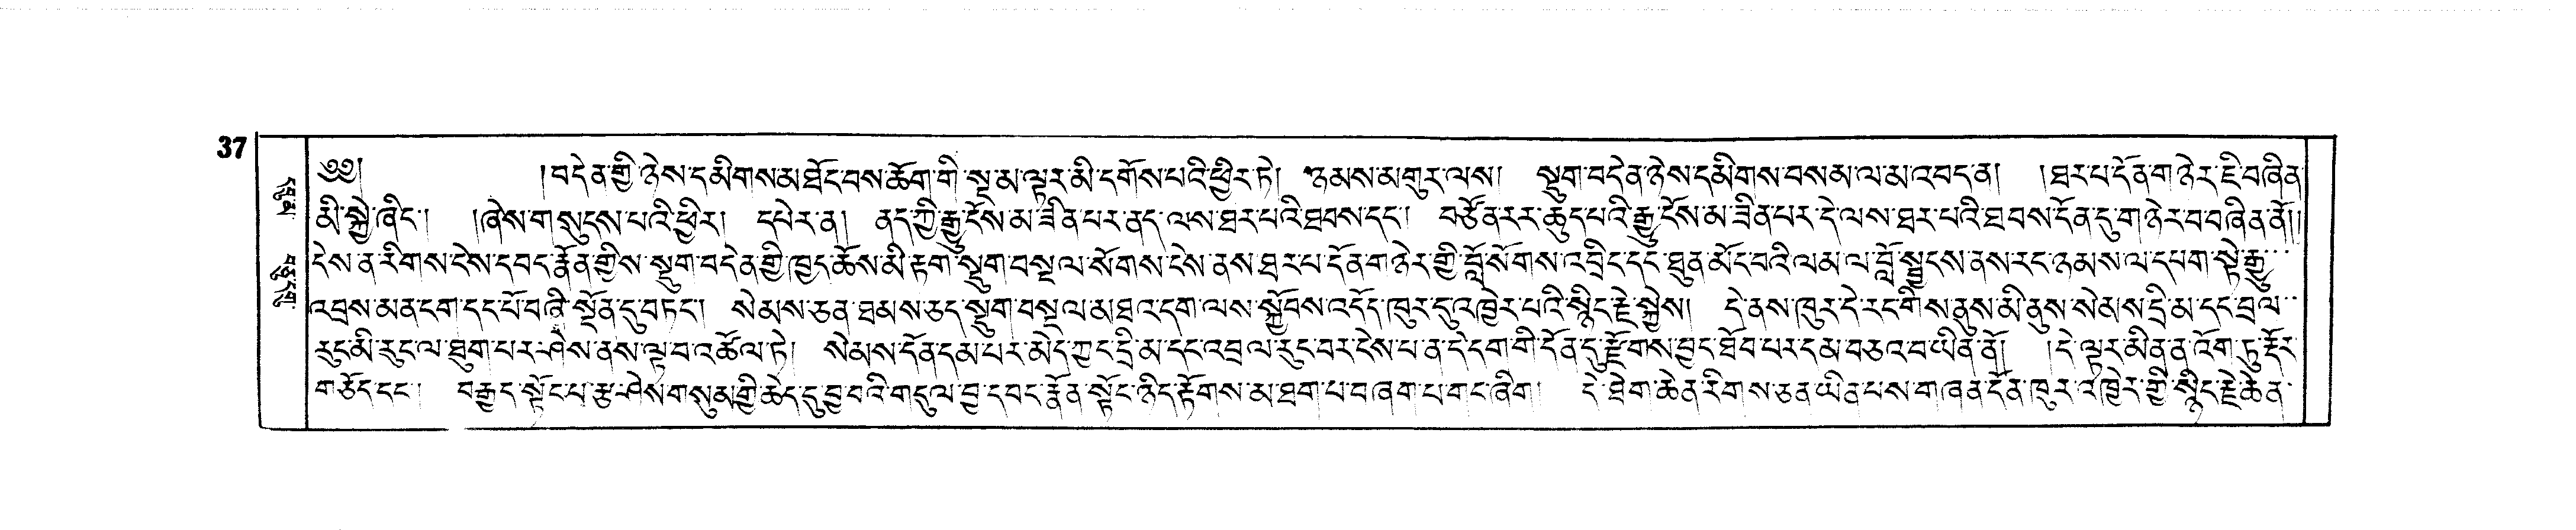༄༅། །བདེན་གྱི་ཉེས་དམིགས་མཐོང་བས་ཆོག་གི་སྔ་མ་ལྟར་མི་དགོས་པའི་ཕྱིར་ཏེ། ཉམས་མགུར་ལས། སྡུག་བདེན་ཉེས་དམིགས་བསམ་ལ་མ་འབད་ན། །ཐར་པ་དོན་གཉེར་ཇི་བཞིན་
མི་སྐྱེ་ཞིང་། །ཞེས་གསུངས་པའི་ཕྱིར། དཔེར་ན། ནད་ཀྱི་རྒྱུ་ངོས་མ་ཟིན་པར་ནད་ལས་ཐར་པའི་ཐབས་དང་། བཙོན་རར་ཆུད་པའི་རྒྱུ་ངོས་མ་ཟིན་པར་དེ་ལས་ཐར་པའི་ཐབས་དོན་དུ་གཉེར་བ་བཞིན་ནོ། །
དེས་ན་རིགས་ངེས་དབང་རྣོན་གྱིས་སྡུག་བདེན་གྱི་ཁྱད་ཆོས་མི་རྟག་སྡུག་བསྔལ་སོགས་ངེས་ནས་ཐར་པ་དོན་གཉེར་གྱི་བློ་སོགས་འབྲིང་དང་ཐུན་མོང་བའི་ལམ་ལ་བློ་སྦྱངས་ནས་རང་ཉམས་ལ་དཔག་སྟེ་རྒྱུ་
འབྲས་མན་ངག་དང་པོ་བཞི་སྔོན་དུ་བཏང་། སེམས་ཅན་ཐམས་ཅད་སྡུག་བསྔལ་མཐའ་དག་ལས་སྐྱོབས་འདོད་ཁུར་དུ་འཁྱེར་པའི་སྙིང་རྗེ་སྐྱེས། དེ་ནས་ཁུར་དེ་རང་གིས་ནུས་མི་ནུས་སེམས་དྲི་མ་དང་བྲལ་
རུང་མི་རུང་ལ་ཐུག་པར་ཤེས་ནས་ལྟ་བ་འཚོལ་ཏེ། སེམས་དོན་དམ་པར་མེད་ཀྱང་དྲི་མ་དང་འབྲལ་རུང་བར་ངེས་པ་ན་དེ་དག་གི་དོན་དུ་རྫོགས་བྱང་ཐོབ་པར་དམ་བཅའ་བ་ཡིན་ནོ། །དེ་ལྟར་མིན་ན་འོག་ཏུ་རྡོར་
གཅོད་དང་། བརྒྱད་སྟོང་པ་རྩ་ཤེས་གསུམ་གྱི་ཆེད་དུ་བྱ་བའི་གདུལ་བྱ་དབང་རྣོན་སྟོང་ཉིད་རྟོགས་མ་ཐག་པ་བཞག་པ་གང་ཞིག། དེ་ཐེག་ཆེན་རིགས་ཅན་ཡིན་པས་གཞན་དོན་ཁུར་འཁྱེར་གྱི་སྙིང་རྗེ་ཆེན་